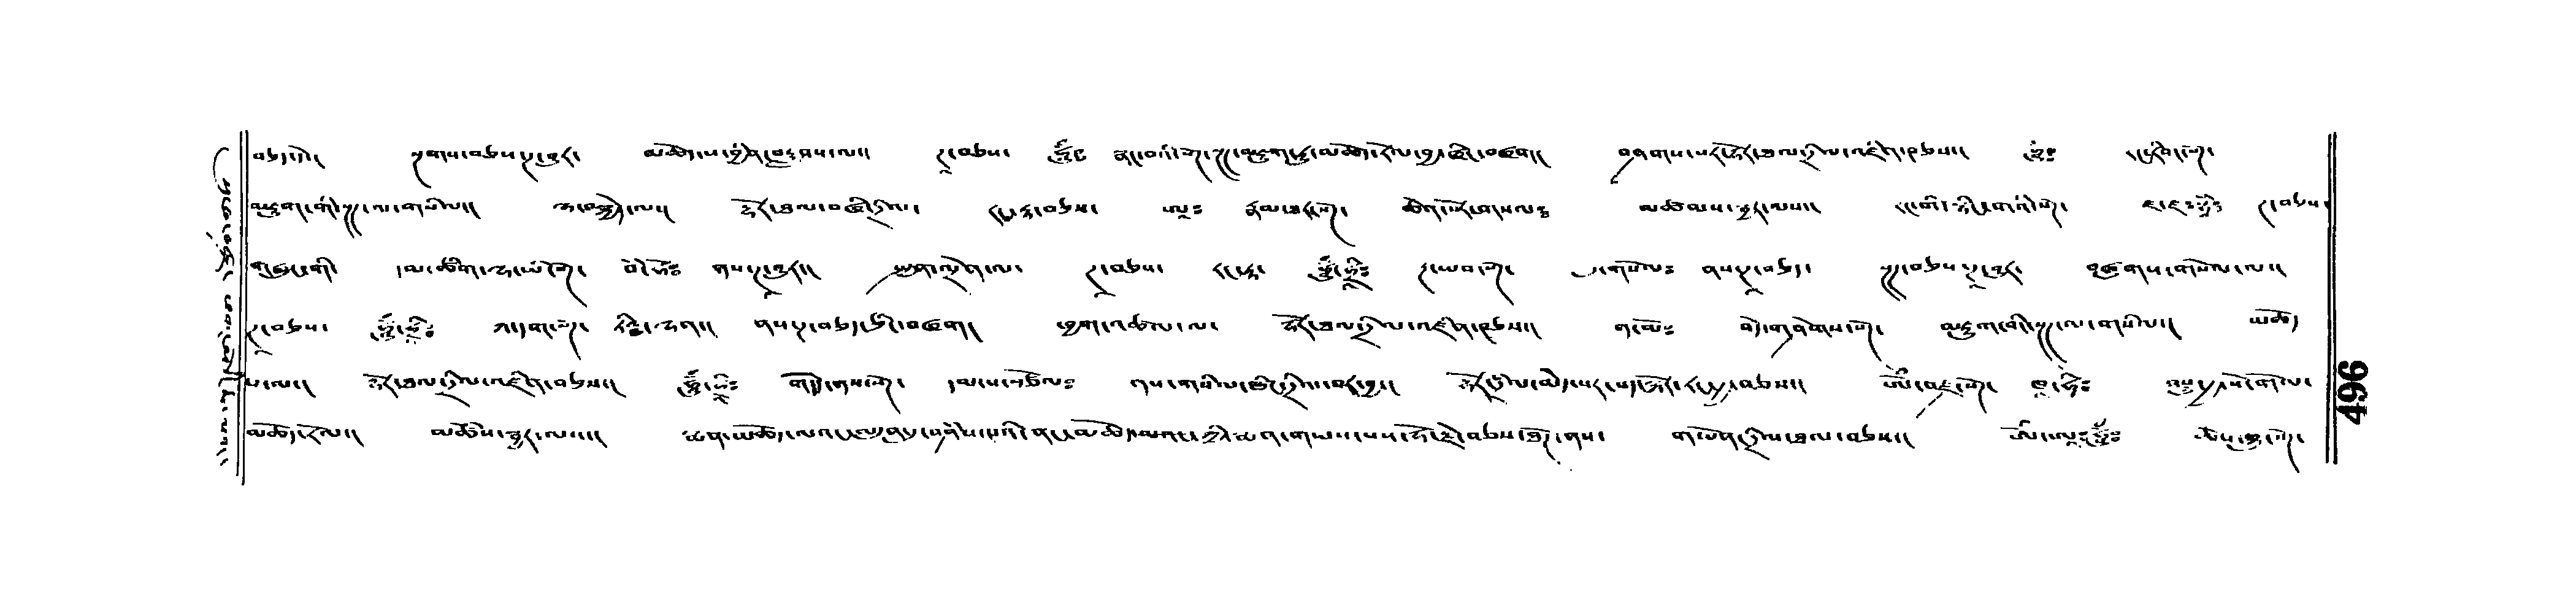བཅད་དེ། སྔགས་བཅས་ཌཱ་འུར། མཆོད་པ་བྱིན་བརླབས་ལ། ཌཱ་བཅས། ཧཱུྃ༔ སྣང་བའི་སོགས་སྔགས་མཇུག་ཏུ་མཆོད་རོལ་བྱ་ཞིང་བཞག བཤགས་པར་རྡོར་ཐལ་དྲིལ་འཛིན་བཅས། ཧཱུྃ༔ རང་རིག་སོགས། 
མཇུག་གི་སྔགས་ལ་གསིལ། ལྷ་བསྐྱེད་ལ། རྡོར་ཐལ་བཞི་དྲིལ། རང་རྟ་བཅས། ཨཱཿ རྣམ་ཐར་སོགས། ས ཆེན་པོར་གསལ༔ མཚམས་སྦྱར་ལས། རང་གི་སྙིང་གའི་སོགས། ཛ་ཛཿསྟྭམཿ ཌཱ་བཅས་
གཞུང་གི དམ་ཚིག་ལྷ་ཡི་སོགས། བཾ་ཧོཿ ནས་ཌཱ་འུར། སྤྱན་འདྲེན་ལ། ཌཱ་བཅས། རང་རྟ། ཧཱུྃ་ཧྲཱིཿ རྔ་ཡབ་སོགས། ས དུ་གསོལ༔ ནས་ཌཱ་བཅད། སྔགས་བཅས་ཌཱ་འུར། བཞུགས་གསོལ་ལ། 
ཌཱ་བཅས། ཧཱུྃ་ཧྲཱིཿ ཀ་དག་སོགས། ཏིཥྛ་ལྷན༔ ནས་ཌཱ་བཅད་ཅིང་བཞག ཕྱག་འཚལ་ལ། རྡོར་ཐལ་དྲིལ་འཛིན་བཅས། ན་མོ༔ བདེ་གཤེགས་སོགས། མཇུག་གི་སྔགས་ལ་གསིལ། མཆོད་
པ་ལ། རྡོར་ཐལ་དྲིལ་འཛིན་བཅས། ས ཧཱུྃ་ཧྲཱིཿ གདོད་ནས་སོགས། དམ་པ་སྩོལ༔ ནས་གསིལ་ཞིང་དྲིལ་བར་བྱ། རྡོར་དྲིལ་མེད་པར་པད་སྐོར་རང་རྒྱ་བཅས། ཨོཾ་བཛྲ་སོགས། ཁཱ་ཧིཿ བསྡུ་རྒྱ་སེ་གོལ་
མཆོད་རོལ། མཚམས་སྦྱར་ལས། སྨན་མཆོད་ལའང་མདུན་དུ་བཤམས་པའི་ནང་མཆོད་ཀྱི་སྨན་གཡས་པས་རྡོ་རྗེ་བཅས་ཐོགས་ནས། གཡོན་དྲིལ་ཐལ་བཅས། ཨོཾ་ཨཱཿཧཱུྃཿ ཆོས་སྐུ་སོགས།